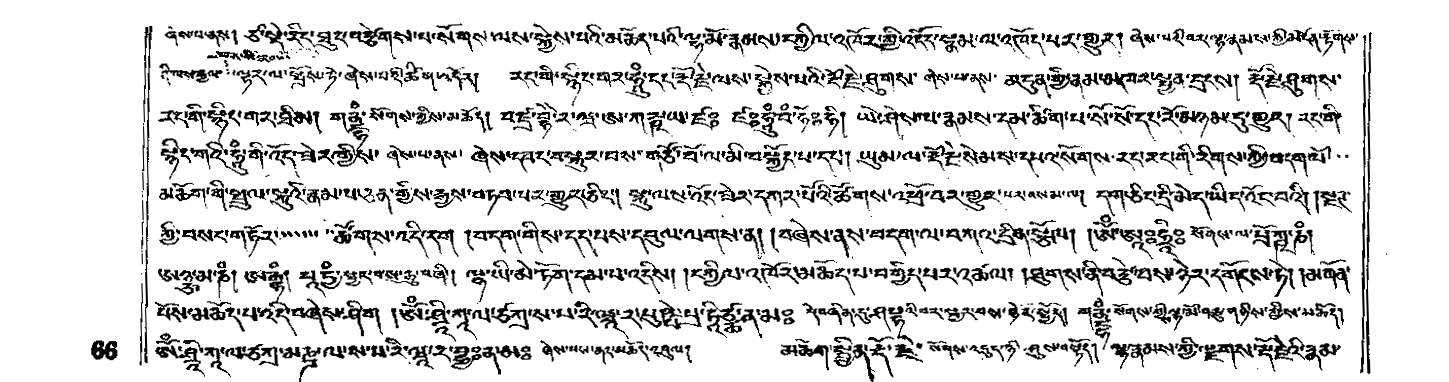ཞེས་པ་ནས།  ཙ་སྡེ་རིང་ཐུང་བརྩེགས་པ་སོགས་ལས་སྐྱེས་པའི་མཆོད་པའི་ལྷ་མོ་རྣམས་དཀྱིལ་འཁོར་གྱི་འདོད་སྣམ་ལ་འཁོད་པར་གྱུར། ཞེས་པའི་བར་ལྷ་རྣམས་ཀྱི་མངོན་རྟོགས་
ནི་ལས་རྒྱལ་མཆོག་གི་སྐབས་ལྟར་ལ་སྤྲོས་ཏེ་ཞེས་པའི་ཚིག་འདོར། རང་གི་སྙིང་གར་ཧཱུཾ་དང་རྡོ་རྗེ་ལས་སྐྱེས་པའི་རྡོ་རྗེ་ཤུགས་ཞེས་པ་ནས་མདུན་གྱི་ནམ་མཁར་སྤྱན་དྲངས། རྡོ་རྗེ་ཤུགས་
རང་གི་སྙིང་གར་ཐིམ། གནྡྷཾ་སོགས་ཀྱིས་མཆོད།  བཛྲ་བྷཻ་རེ་ཝ་ཨ་ཀརྵ་ཨ་ཛཿ ཛཿ ཧཱུཾ་བཾ་ཧོཿ ཧི། ཡེ་ཤེས་ལ་རྣམས་དམ་ཚིག་པ་སོ་སོ་དང་རོ་མཉམ་དུ་གྱུར། རང་གི་
སྙིང་གའི་ཧཱུཾ་གི་འོད་ཟེར་གྱིས་ཞེས་པ་ནས།  ཞེས་དབང་བསྐུར་བས་གཙོ་བོ་ལ་མི་བསྐྱོད་པ་དང་། ཡུམ་ལ་རྡོ་རྗེ་སེམས་དཔའ་སོགས་རང་རང་གི་རིགས་ཀྱི་བདག་པོ་
མཆོག་གི་སྤྲུལ་སྐུའི་རྣམ་པ་ཅན་གྱིས་རྒྱས་བཏབ་པར་གྱུར་ཅིང་། སྐུ་ལས་འོད་ཟེར་དཀར་པོའི་ཚོགས་འཕྲོ་བར་གྱུར་པར་བསམ་ལ།  དག་ཅིང་དྲི་མེད་ཡིད་འོང་བའི། །སྔགས་
ཀྱི་བསང་གཏོར་ཚོགས་འདི་དག །བདག་གིས་དད་པས་དབུལ་ལགས་ན། །བཞེས་ནས་བདག་ལ་བཀའ་དྲིན་སྕོལ། །ཨོཾ་ཨཱཿ ཧྲཱིཿ སོགས་ལ་པྲོཀྵ་ཎཾ།
ཨཉྩ་མ་ཎཾ། ཨརྒྷཾ། པཱདྱཾ་སྦྱར་བ་ས་ཆུ་བཞི།  ལྷ་ཡི་མེ་ཏོག་དམ་པ་འདིས། །དཀྱིལ་འཁོར་མཆོད་པ་བགྱིད་པར་འཚལ། །ཐུགས་ནི་བརྩེ་བས་ཉེར་དགོངས་ཏེ། །མགོན་
པོས་མཆོད་པ་འདི་བཞེས་ཤིག །ཨོཾ་ཤྲཱི་ཀཱ་ལ་ཙཀྲ་ས་པ་རི་ཝཱ་ར་པུཥྤེ་པྲ་ཏཱིཙྪ་ན་མཿ དེ་བཞིན་དུ་ཤཔྟའི་བར་སྦྱར་བས་ཉོར་སྤྱོད།  གནྡྷཾ་སོགས་ཀྱིས་ལྷ་མོ་བཅུ་གཉིས་ཀྱིས་མཆོད།
ཨོཾ་ཤྲཱི་ཀཱ་ལ་ཙཀྲ་མཎྜ་ལ་ས་པ་རི་ཝཱ་ར་བྷྱཿ ན་མཿ ཞེས་པས་ནང་མཆོད་འབུལ།  མཆོག་སྦྱིན་རྡོ་རྗེ་སོགས་འདུད་ཉི་ཤུས་བསྟོད།  ལྷ་རྣམས་ཀྱི་ལྗགས་རྡོ་རྗེའི་རྣམ་